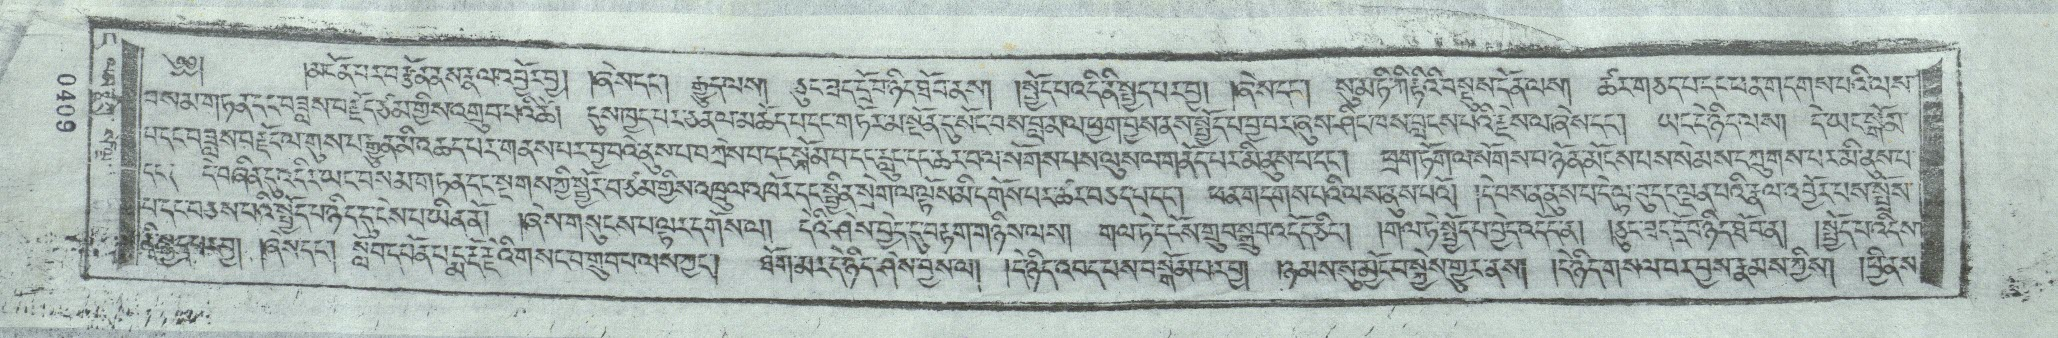༄༅། །མངོན་པར་བརྩོན་ནས་རྣལ་འབྱོར་བྱ། །ཞེས་དང་། རྒྱུད་ལས། ཅུང་ཟད་དྲོ་བ་ཉིད་ཐོབ་ནས། །སྤྱོད་པ་འདི་ནི་སྤྱད་པར་བྱ། །ཞེས་དང་། སུ་མ་ཏི་ཀིརྟཱི་བསྡུས་དོན་ལས། ཚར་གཅད་པ་དང་ཕན་གདགས་པའི་ལས་
བསམ་གཏན་དང་བཟླས་བརྗོད་ཙམ་གྱིས་འགྲུབ་པའི་ཚེ། དུས་ཁྱད་པར་ཅན་ལ་མཆོད་པ་དང་གཏོར་མ་སྔོན་དུ་སོང་བས་བླ་མ་ལ་ཕྱག་བྱས་ནས་སྤྱོད་པ་བྱ་བར་ཞུས་ཤིང་ཁས་བླངས་པའི་རྗེས་ལ་ཞེས་དང་། ཡང་དེ་ཉིད་ལས། དེ་ཡང་སྒོམ་
པ་དང་བཟླས་བརྗོད་ལ་གུས་པ་རྒྱུན་མི་འཆད་པར་གནས་པར་བྱ་བའི་ནུས་པ་བཀྲེས་པ་དང་སྐོམ་པ་དང་རླུང་དང་ཆར་བ་ལ་སོགས་པས་ལུས་ལ་གནོད་པར་མི་ནུས་པ་དང་། ཕྲག་ཏོག་ལ་སོགས་པ་ཉོན་མོངས་པས་སེམས་དཀྲུགས་པར་མི་ནུས་པ་
དང༑ དེ་བཞིན་དུ་འདིར་ཡང་བསམ་གཏན་དང་སྔགས་ཀྱི་སྦྱོར་བ་ཙམ་གྱིས་འཁྲུལ་འཁོར་དང་སྤྱིན་སྲེག་ལ་ལྟོས་མི་དགོས་པར་ཚར་བཅས་པ་དང་། ཕན་གདགས་པའི་ལས་ནུས་པའོ། །དེ་བས་ན་ནུས་པ་དེ་ལྟ་བུ་དང་ལྡན་པའི་རྣལ་འབྱོར་པས་སྤྲོས་
པ་དང་བཅས་པའི་སྤྱོད་པ་ཉིད་དུ་ངེས་པ་ཡིན་ནོ། །ཞེས་གསུངས་པ་ལྟར་དགོས་ལ། དེའི་ཤེས་བྱེད་དུ་བརྟག་གཉིས་ལས། གལ་ཏེ་དངོས་གྲུབ་སྒྲུབ་འདོད་ཅིང་། །གལ་ཏེ་སྤྱོད་པ་བྱེད་འདོད་ན། །ཅུང་ཟད་དྲོ་བ་ཉིད་ཐོབ་ན། །སྤྱོད་པ་འདི་
ནི་སྤྱད་པར་བྱ། །ཞེས་དང་། སློབ་དཔོན་པདམ་རྡོ་རྗེའི་གསང་བ་གྲུབ་པ་ལས་ཀྱང་། ཐོབ་མར་དེ་ཉིད་ཤེས་བྱས་ལ། །དེ་ཉིད་འབད་པས་བསྒོམ་པར་བྱ། །ཉམས་སུ་མྱོང་བ་སྐྱེས་གྱུར་ནས། །དེ་ཉིད་གསལ་བར་བྱས་རྣམས་ཀྱིས། །ཕྱི་ནས་